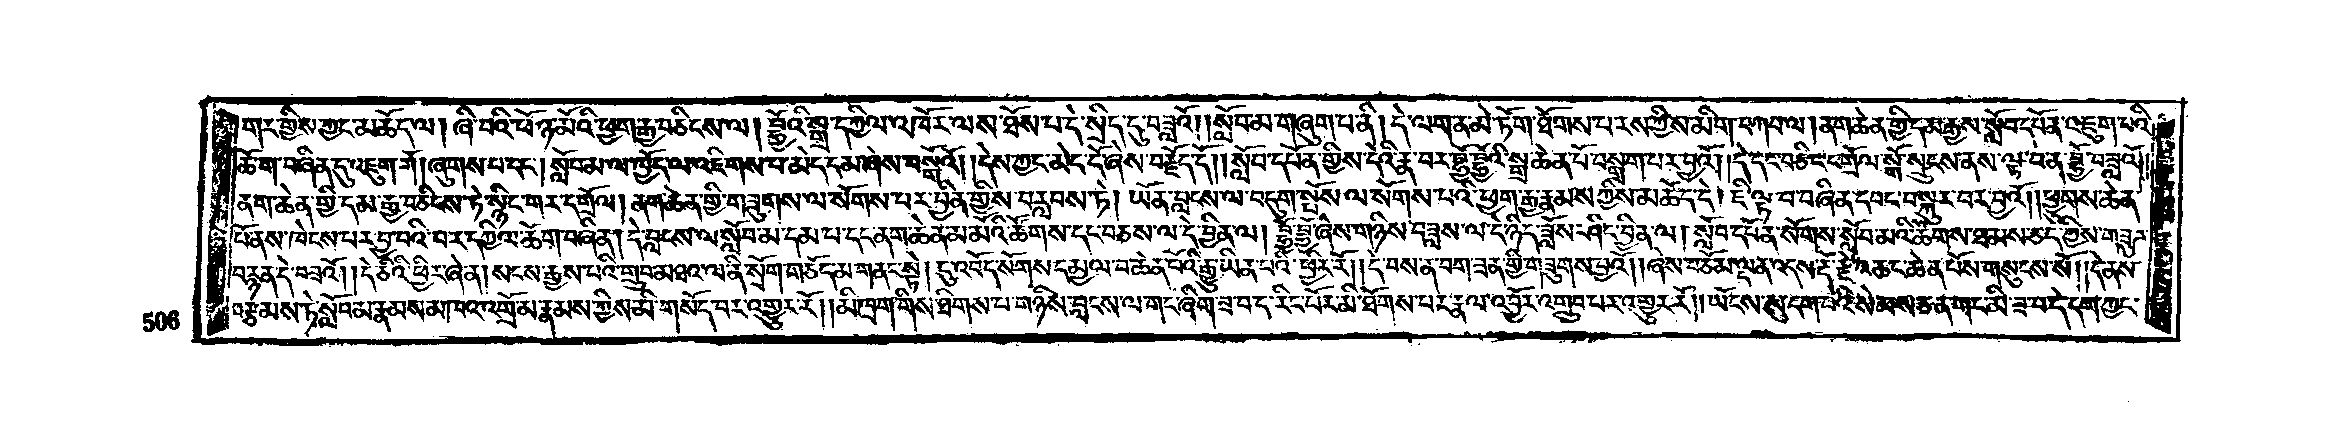གར་གྱིས་ཀྱང་མཆོད་ལ། ཞི་བའི་ཕོ་ཉ་མོའི་ཕྱག་རྒྱ་བཅིངས་ལ། བྷྱོའི་སྒྲ་དཀྱིལ་འཁོར་ལས་ཐོས་པ་དེ་སྲིད་དུ་བཟླའོ། །སློབ་མ་གཞུག་པ་ནི། དེ་ལག་ན་མེ་ཏོག་ཐོགས་པ་རས་ཀྱིས་མིག་བཀབ་ལ། ནག་ཆེན་གྱི་དམ་རྒྱས་སློབ་དཔོན་འཇུག་པའི་
ཆོ་ག་བཞིན་དུ་འཇུག་གོ །ཞུགས་པ་དང་། སློབ་མ་ལ་ཁྱོད་ལ་འཇིགས་པ་མེད་དམ་ཞེས་བསྒོའོ། །དེས་ཀྱང་མེད་དོ་ཞེས་བརྗོད་དོ། །སློབ་དཔོན་གྱིས་དེའི་རྣ་བར་བྷྱོ་བྷྱོའི་སྒྲ་ཆེན་པོ་བསྒྲག་པར་བྱའོ། །དེ་དང་བཅིང་བགྲོལ་སྒོ་སྲུངས་ནས་ལྟ་བ་ན་བྷྱོ་བཟླའོ། །
ནག་ཆེན་གྱི་དམ་རྒྱ་བཅིངས་ཏེ་སྙིང་གར་དགྲོལ། ནག་ཆེན་གྱི་གཟུགས་ལ་སོགས་པར་བྱིན་གྱིས་བརླབས་ཏེ། ཡོན་བླངས་ལ་བདུག་སྤོས་ལ་སོགས་པའི་ཕྱག་རྒྱ་རྣམས་ཀྱིས་མཆོད་དེ། ཇི་ལྟ་བ་བཞིན་དབང་བསྐུར་བར་བྱའོ། །ཕྱུགས་ཆེན་
པོ་ནས་ཁེངས་པར་བྱ་བའི་བར་དཀྱིལ་ཆོག་བཞིན། དེ་བླངས་ལ་སློབ་མ་དམ་པ་ནག་ཆེན་མ་མོའི་ཚོགས་དང་བཅས་ལ་དེ་བྱིན་ལ། བྷྱོ་བྷྱོ་ཞེས་གཉིས་བཟླས་ལ་དེ་ཉིད་ཟློས་ཤིང་བྱིན་ལ། སློབ་དཔོན་སོགས་སློབ་མའི་ཚོགས་ཐམས་ཅད་ཀྱིས་གཟུགས་
བརྙན་དེ་བཟླའོ། །དེ་ཅིའི་ཕྱིར་ཞེ་ན། སངས་རྒྱས་པའི་གྲུབ་མཐའ་ལ་ནི་སྲོག་གཅོད་མ་གནང་སྟེ། དུ་འབོད་སོགས་དམྱལ་བ་ཆེན་པོའི་རྒྱུ་ཡིན་པའི་ཕྱིར་རོ། །དེ་བས་ན་བག་ཟན་གྱི་གཟུགས་བྱའོ། །ཞེས་བཅོམ་ལྡན་འདས་རྡོ་རྗེ་འཆང་ཆེན་པོས་གསུངས་སོ། །དེ་ནས་
བརྩམས་ཏེ་སློབ་མ་རྣམས་མཁའ་འགྲོ་མ་རྣམས་ཀྱིས་མི་གསོད་བར་འགྱུར་རོ། །མི་ཁྲག་གིས་ཐིགས་པ་གཉིས་བླངས་ལ་གང་ཞིག་ཟ་བ་ད་རིང་པོར་མི་ཐོགས་པར་རྣལ་འབྱོར་འགྲུབ་པར་འགྱུར་རོ། །ཡོངས་སུ་དག་པའི་སེམས་ཅན་གང་མི་ཟ་བདེ་དག་ཀྱང་